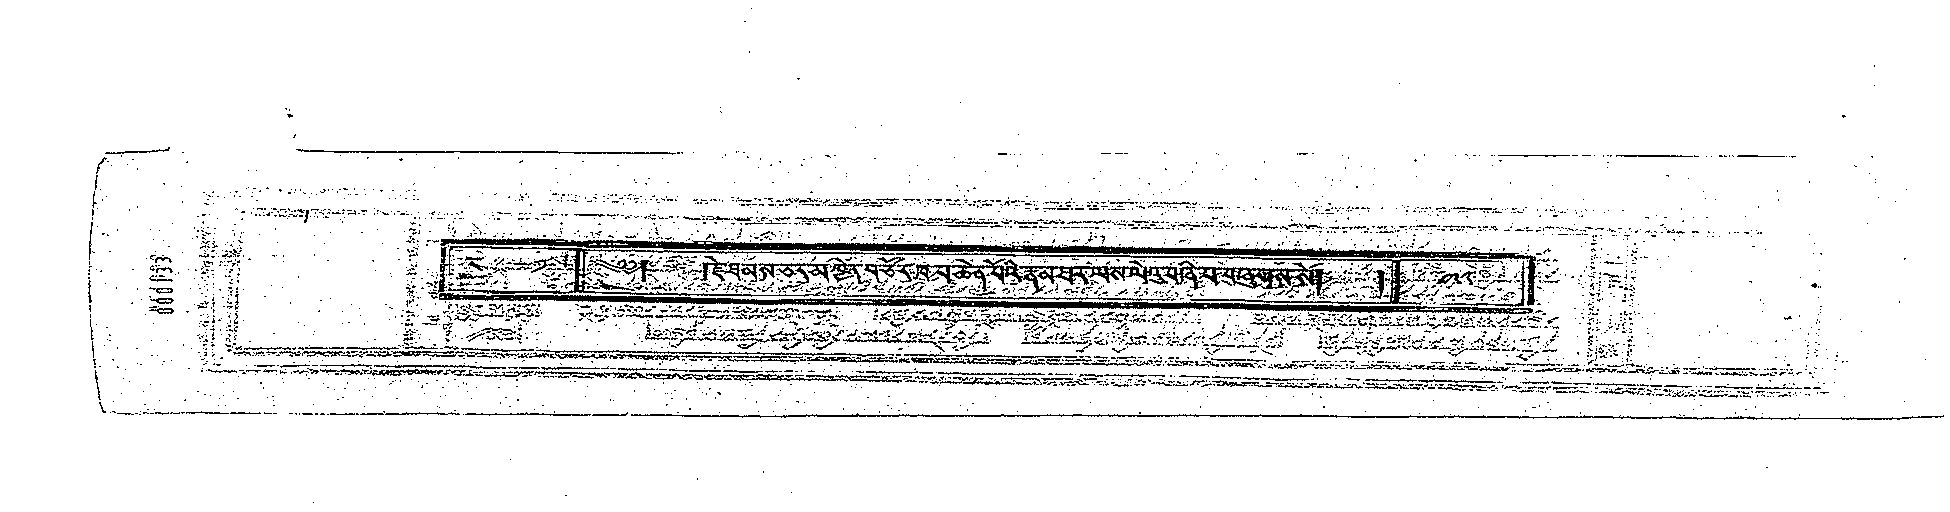ཁ༤?
༄༅། །རྗེ་ཐམས་ཅད་མཁྱེན་པ་ཙོང་ཁ་པ་ཆེན་པོའི་རྣམ་ཐར་ལས་ལེའུ་བཞི་པ་བཞུགས་སོ། །